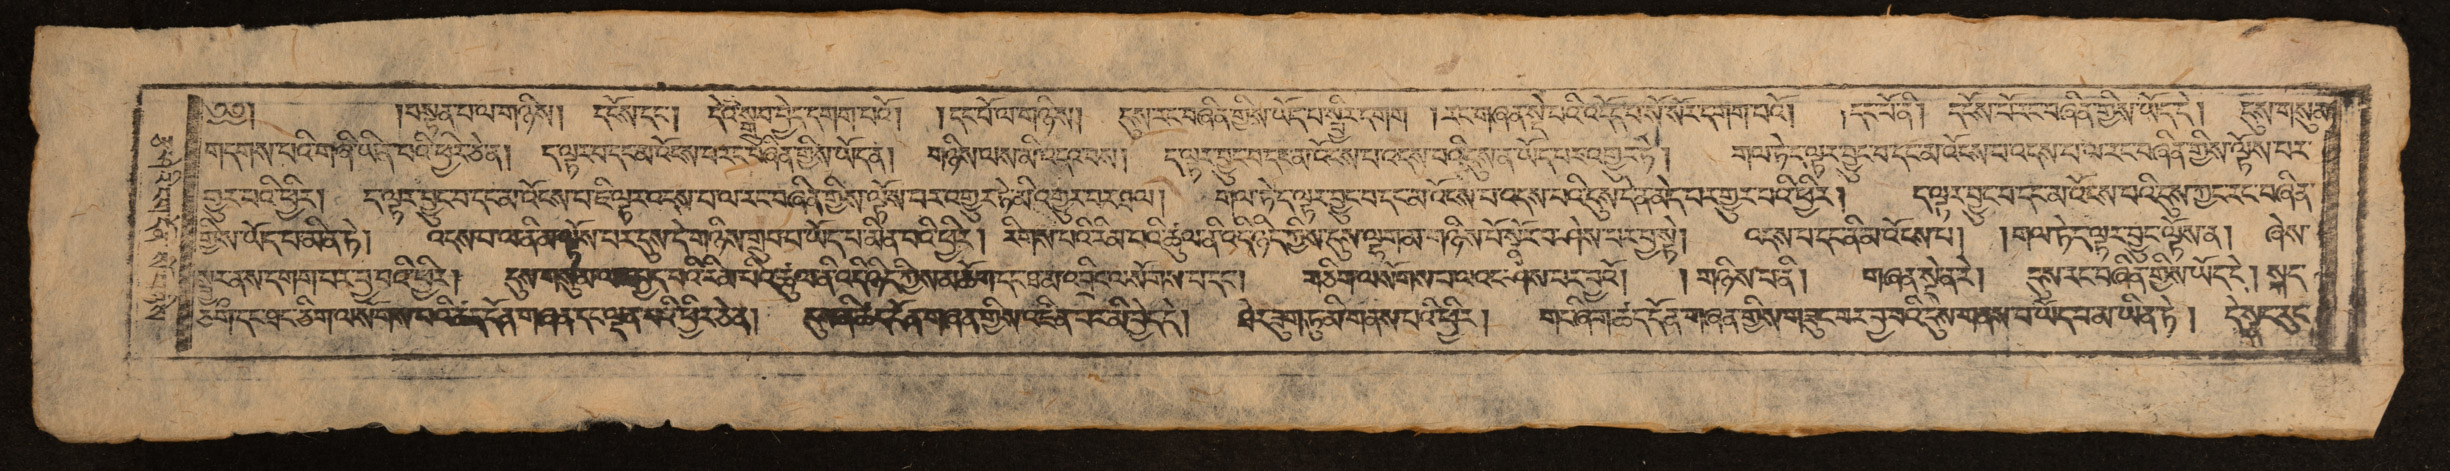༄༅། །བསྟན་པ་ལ་གཉིས། དངོས་དང་། དེའི་སྒྲུབ་བྱེད་དགག་པའོ། །དང་པོ་ལ་གཉིས། དུས་རང་བཞིན་གྱིས་ཡོད་པ་སྤྱིར་དགག །རང་གཞན་སྡེ་པའི་འདོད་པ་སོ་སོར་དགག་པའོ། །དང་པོ་ནི། དངོས་པོ་རང་བཞིན་གྱིས་ཡོད་དེ། དུས་གསུམ་
གདགས་པའི་གཞི་ཡིན་པའི་ཕྱིར་ཅེ་ན། ད་ལྟ་བ་དང་མ་འོངས་པ་རང་བཞིན་གྱིས་ཡོད་ན། གཉིས་ལས་མི་འདའ་བས། ད་ལྟར་བྱུང་བ་དང་མ་འོངས་པ་འདས་པའི་དུས་ན་ཡོད་པར་འགྱུར་ཏེ། གལ་ཏེ་ད་ལྟར་བྱུང་བ་དང་མ་འོངས་པ་འདས་པ་ལ་རང་བཞིན་གྱིས་ལྟོས་པར་
གྱུར་པའི་ཕྱིར། ད་ལྟར་བྱུང་བ་དང་མ་འོངས་པ་ཇི་ལྟར་འདས་པ་ལ་རང་བཞིན་གྱིས་ལྟོས་པར་འགྱུར་ཏེ་མི་འགྱུར་བར་ཐལ། གལ་ཏེ་ད་ལྟར་བྱུང་བ་དང་མ་འོངས་པ་འདས་པའི་དུས་དེ་ན་མེད་པར་གྱུར་པའི་ཕྱིར། ད་ལྟར་བྱུང་བ་དང་མའོངས་པའི་དུས་ཀྱང་རང་བཞིན་
གྱིས་ཡོད་པ་མིན་ཏེ། འདས་པ་ལ་ནི་མ་ལྟོས་པར་དུས་དེ་གཉིས་གྲུབ་པ་ཡོད་པ་མིན་པའི་ཕྱིར། རིགས་པའི་རིམ་པའི་ཚུལ་ནི་འདི་ཉིད་ཀྱིས་རྡུས་ལྷག་མ་གཉིས་པོ་སྣོར་བ་ཤེས་པར་བྱ་སྟེ། འདས་པ་དང་ནི་མ་འོངས་པ། །གལ་ཏེ་ད་ལྟར་བྱུང་ལྟོས་ན། ཞེས་
སྦྱར་ནས་དགག་པར་བྱ་བའི་ཕྱིར། དུས་གསུམ་ལ་དཔྱད་པའི་རིམ་རིམ་པའི་ཚུལ་ནི་འདི་ཉིད་ཀྱིས་མཆོག་དང་ཐ་མ་འབྲིང་ལ་སོགས་པ་དང་། གཅིག་ལ་སོགས་པ་ལའང་ཤེས་པར་བྱའོ། །གཉིས་པ་ནི། གཞན་སྡེ་ན་རེ། དུས་རང་བཞིན་གྱིས་ཡོད་དེ། སྐད་
ཅྀག་དང་ཐང་ཅིག་ལ་སོགས་པའི་ཚད་དོན་གཞན་དང་ལྡན་པའི་ཕྱིར་ཅེ་ན། དུས་ནི་ཚད་དོན་གཞན་གྱིས་འཇིག་པར་མི་བྱེད་དེ། ཐེར་ཐུག་ཏུ་མི་གནས་པའི་ཕྱིར། གང་ཞིག་ཚད་དོན་གཞན་གྱིས་གཟུང་བར་བྱ་བའི་དུས་གནས་པ་ཡོད་པ་མ་ཡིན་ཏེ། དེ་སྣང་རུང་